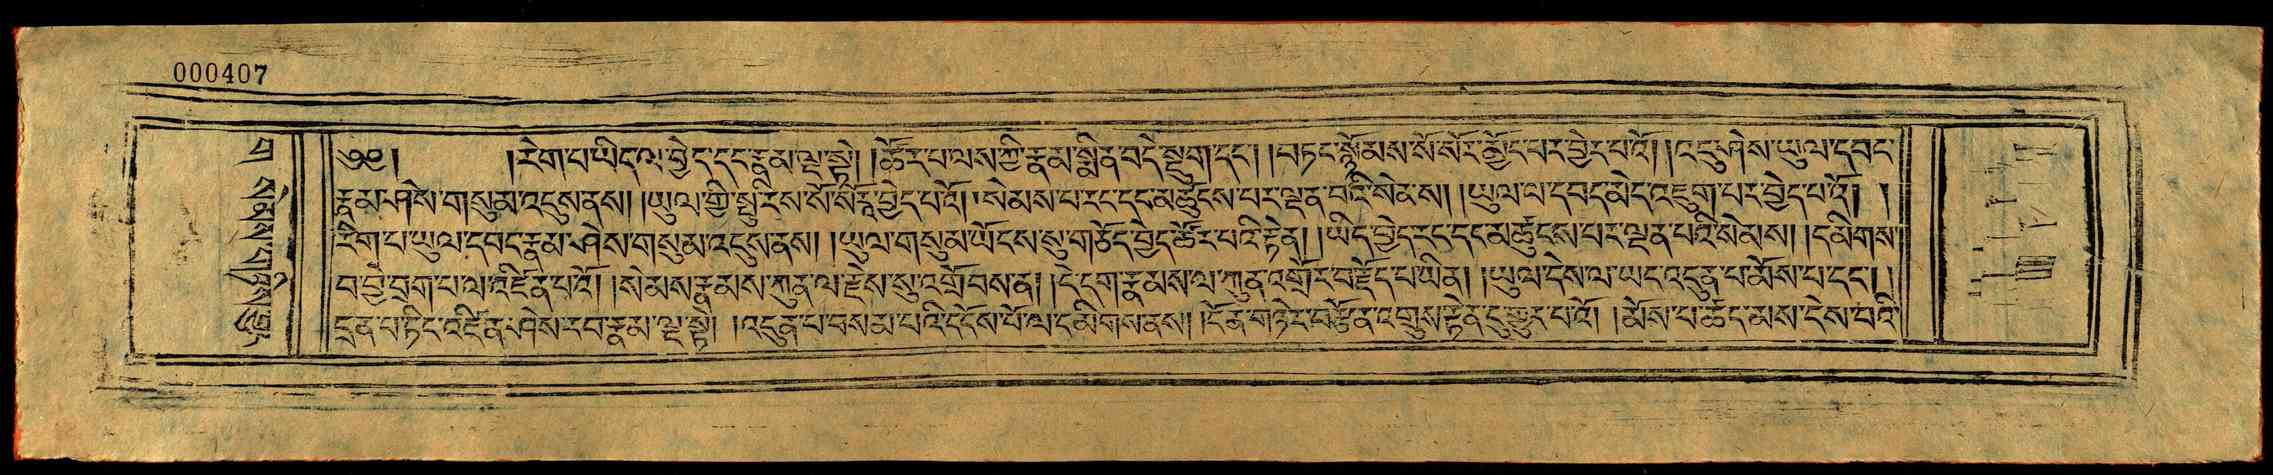༄༅། །རེག་པ་ཡིད་ལ་བྱེད་དང་རྣམ་ལྔ་སྟེ། །ཚོར་བ་ལས་ཀྱི་རྣམ་སྨིན་བདེ་སྡུག་དང་། །བཏང་སྙོམས་སོ་སོར་མྱོང་བར་བྱེད་པའོ། །འདུ་ཤེས་ཡུལ་དབང་
རྣམ་ཤེས་གསུམ་འདུས་ནས། །ཡུལ་གྱི་སྤུ་རིས་སོ་སོར་བྱེད་པའོ། །སེམས་པ་རང་དང་མཚུངས་པར་ལྡན་པའི་སེམས། །ཡུལ་ལ་དབང་མེད་འཇུག་པར་བྱེད་པའོ། །
རེག་པ་ཡུལ་དབང་རྣམ་ཤེས་གསུམ་འདུས་ནས། །ཡུལ་གསུམ་ཡོངས་སུ་གཅོད་བྱེད་ཚོར་བའི་རྟེན། །ཡིད་བྱེད་རང་དང་མཚུངས་པར་ལྡན་པའི་སེམས། །དམིགས་
པ་བྱེ་བྲག་པ་ལ་འཛིན་པའོ། །སེམས་རྣམས་ཀུན་ལ་རྗེས་སུ་འགྲོ་བས་ན། །དེ་དག་རྣམས་ལ་ཀུན་འགྲོར་བརྗོད་པ་ཡིན། །ཡུལ་དེས་ལ་ཡང་འདུན་པ་མོས་པ་དང་། །
དྲན་པ་ཏིང་འཛིན་ཤེས་རབ་རྣམ་ལྔ་སྟེ། །འདུན་པ་བསམ་པའི་དངོས་པོ་ལ་དམིགས་ནས། །དོན་གཉེར་བརྩོན་འགྲུས་རྟེན་དུ་གྱུར་པའོ། །མོས་པ་ཚད་མས་ངེས་པའི་